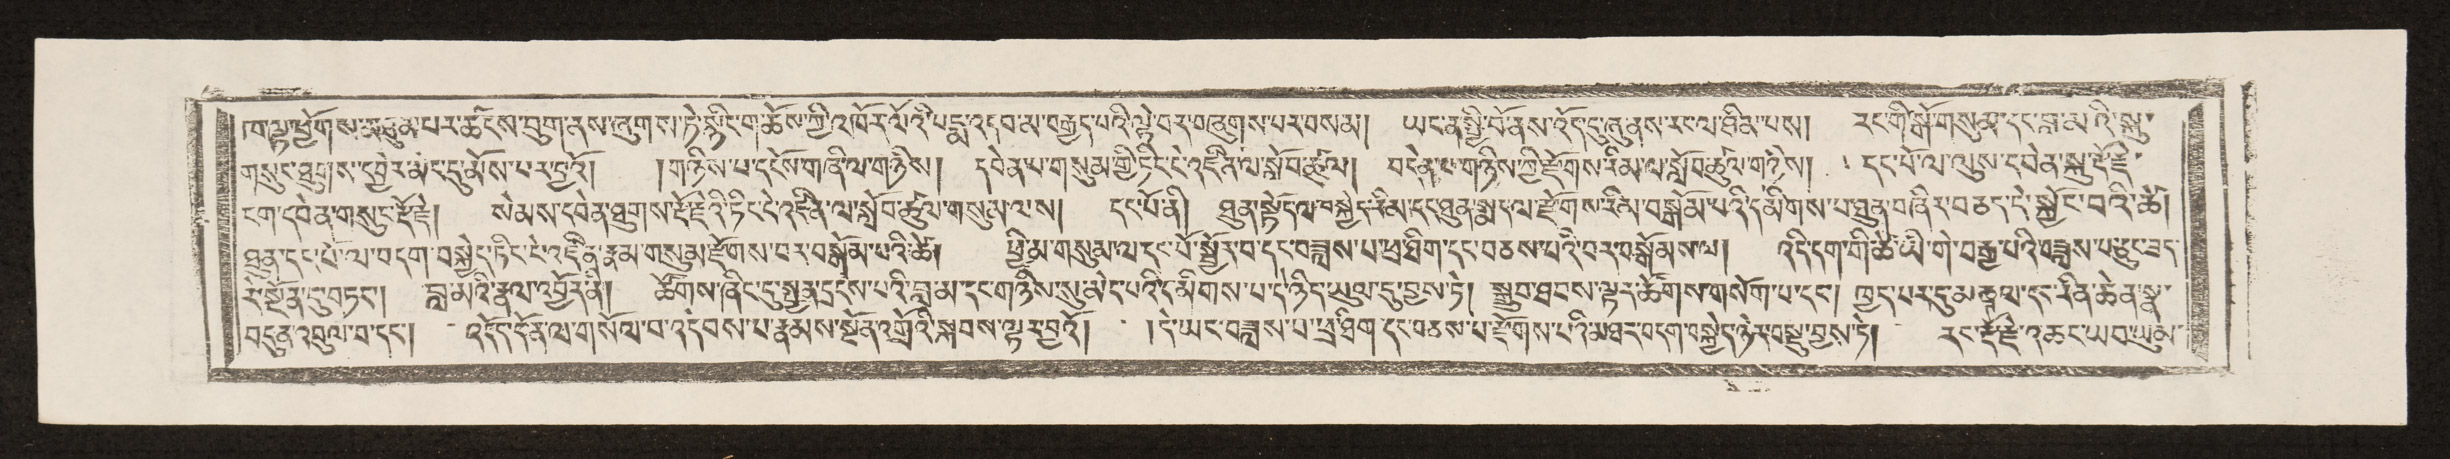ཁ་ལྟ་ཕྱོགས་མཐུན་པར་ཚངས་བུ་གནས་ཞུགས་ཏེ་སྙིང་ག་ཆོས་ཀྱི་འཁོར་ལོའི་པདམ་འདབ་མ་བརྒྱད་པའི་ལྟེ་བར་བཞུགས་པར་བསམ། ཡང་ན་སྤྱི་བོ་ནས་འོད་དུ་ཞུ་ནས་རང་ལ་ཐིམ་བས། རང་གི་སྒོ་གསུམ་དང་བླ་མའི་སྐུ་
གསུང་ཐུགས་དབྱེར་མེད་དུ་མོས་པར་བྱའོ། །གཉིས་པ་དངོས་གཞི་ལ་གཉིས། དབེན་པ་གསུམ་གྱི་ཏིང་ངེ་འཛིན་ལ་སློབ་ཚུལ། བདེན་པ་གཉིས་ཀྱི་རྫོགས་རིམ་ལ་སློབ་ཚུལ་གཉིས། དང་པོ་ལ་ལུས་དབེན་སྐུ་རྡོ་རྗེ།
ངག་དབེན་གསུང་རྡོ་རྗེ། སེམས་དབེན་ཐུགས་རྡོ་རྗེའི་ཏིང་ངེ་འཛིན་ལ་སློབ་ཚུལ་གསུམ་ལས། དང་པོ་ནི། ཐུན་སྟོད་ལ་བསྐྱེད་རིམ་དང་ཐུན་སྨད་ལ་རྫོགས་རིམ་བསྒོམ་པའི་དམིགས་པ་ཐུན་བཞིར་བཅད་དེ་སྐྱོང་པའི་
ཚེ༑ ཐུན་དང་པོ་ལ་བདག་བསྐྱེད་ཏིང་ངེ་འཛིན་རྣམ་གསུམ་རྫོགས་པར་བསྒོམ་པའི་ཚེ། ཕྱི་མ་གསུམ་ལ་དང་པོ་སྦྱོར་བ་དང་བཟླས་བ་ཕྲ་ཐིག་དང་བཅས་པའི་བར་བསྒོམས་ལ། འདི་དག་གི་ཚེ་ཡི་གེ་བརྒྱ་པའི་བཟླས་པ་ཅུང་ཟད་
རེ་སྔོན་དུ་བཏང་། བླ་མའི་རྣལ་འབྱོར་ནི། ཚོགས་ཞིང་དུ་སྤྱན་དྲངས་པའི་བླ་མ་དང་གཉིས་སུ་མེད་པའི་དམིགས་པ་དེ་ཉིད་ཡུལ་དུ་བྱས་ཏེ། སྒྲུབ་ཐབས་ལྟར་ཚོགས་གསོག་པ་དང་། ཁྱད་པར་དུ་མཎྜལ་དང་རིན་ཆེན་སྣ་
བདུན་འབུལ་བ་དང་། འདོད་དོན་ལ་གསོལ་བ་འདེབས་པ་རྣམས་སྔོན་འགྲོའི་སྐབས་ལྟར་བྱའོ། །དེ་ཡང་བཟླས་བ་ཕྲ་ཐིག་དང་བཅས་པ་རྫོགས་པའི་མཐར་བདག་བསྐྱེད་ཉེར་བསྡུ་བྱས་ཏེ། རང་རྡོ་རྗེ་འཆང་ཡབ་ཡུམ་